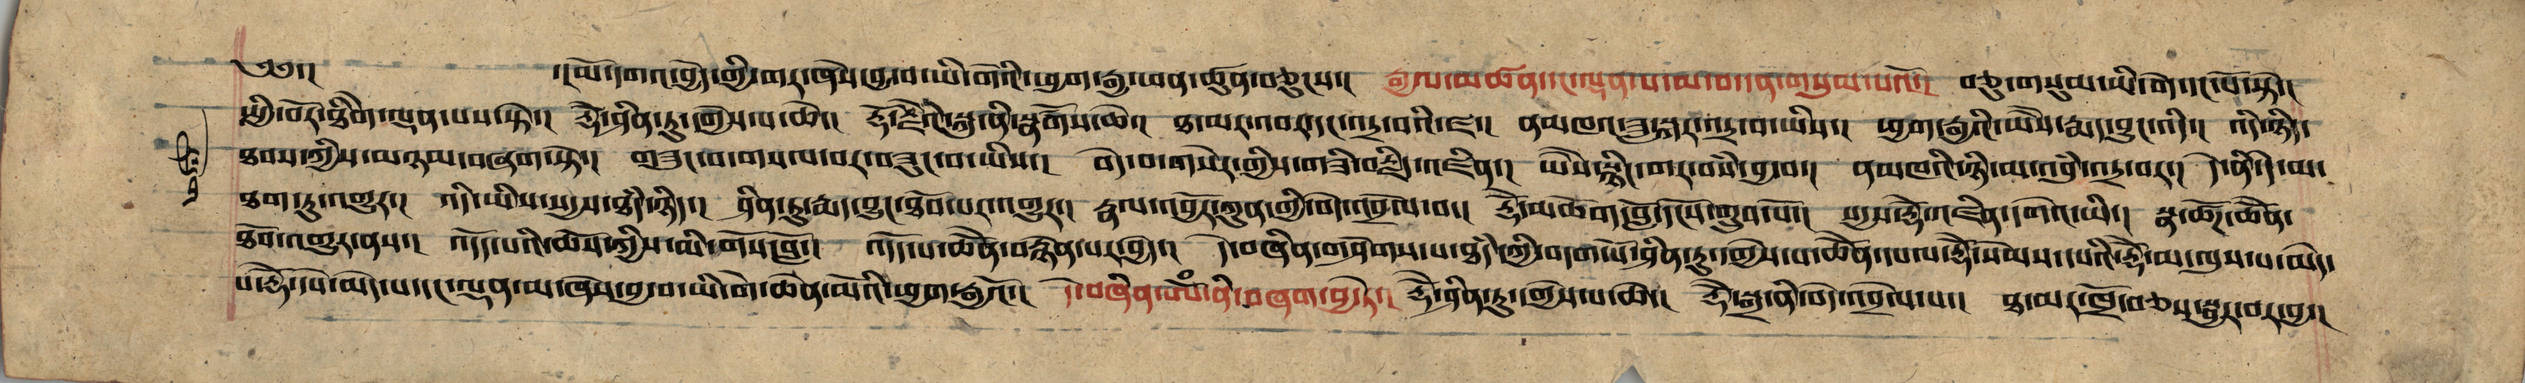༄༅་། ་།མོ་དགའ་བྱེད་གྱི་གར་ཞེས་བྱ་བ་ཡི་གེའི་ཕྱག་རྒྱ་ཕན་ཚུན་བཅུངས་། རྒྱལ་མཚན་དང་ལྡན་པ་མ་བ་དན་གསུམ་པའོ་། བཅུ་གསུམ་ཡི་གེ་དང་པོ་སྟེ་།
སྤྱི་བོར་ཐིགེ་ལྡན་པས་སྟེ་། རྡོེ་ཤིན་ཏུ་དགྱེས་པ་ཆེ་། རྡོ་རྗེའི་སྐུ་ནི་སྣཚོགས་ཆེ་། ཐ་མར་འབར་དང་འདྲ་བའི་ཛ་། ནམཁའ་ཟླ་སྐར་འདྲ་བ་ཡིས་། ཕྱག་རྒྱའི་ཡཻས་རྨད་བྱུང་འདི་། འདི་ཉིད་
ཐབས་ཀྱིས་མཉམ་བཞག་སྟེ་། གཟུང་བ་གསལ་བར་བཟུང་བ་ཡིས་། བདེ་བ་གསེར་གྱིས་གཟི་བརྗིད་འཛིན་། ཡཻས་སྙིང་གར་བསཾ་བྱ་བ་། ནམཁའི་ཉི་མ་འབུཾ་འདྲ་བར་། དེ་ནི་དེ་མ་
ཐག་ཏུ་འགྱུར་། འདི་ཡིས་སདྱས་ཐཾད་ཉིད་། ཤིན་ཏུ་རྨད་བྱུང་ཐོབ་པར་འགྱུར་། རྣལ་འབྱོར་ཀུན་གྱི་བདེ་འབྲེལ་བ་། རྡོེ་མཆོག་བློ་དངོས་གྲུབ་པོ་། སདྱས་རྡོེ་འཛིན་དགེའ་ཡི་། སྣ་ཚོཌ་ཆེནོ་
ཐོབ་འགྱུར་ནས་། འདོད་པའི་ཆོས་ཀྱིས་མི་གོས་བློ་། འདོད་པ་ཆེནོ་བརྙེན་པར་བྱེད་། དེ་བཞིན་གཤེགས་པ་ཐཾད་ཀྱི་བདག་པོ་ཤིན་ཏུ་དགྱེས་པ་ཆེནོ་དཔལ་རྡོེ་སེམས་དཔའི་རྡོེ་མ་ལུས་པ་མེད་
པ་རྡོཻ་དཔེ་མེད་པ་དང་ལྡན་མ་ཞེས་བྱ་བ་ཡི་གེ་ཆེན་མོའི་ཕྱག་རྒྱའོ་། དེ་བཞིན་ཨོཾ་ནི་བཞག་བྱ་ཏེ་། རྡོེ་ཤིན་ཏུ་དགྱེས་པ་ཆེ་། རྡོེ་སྒྲ་ནི་བདེ་འབྲེལ་པ་། ཐ་མར་ཁྲོ་བཅས་སྦྱར་བར་བྱ་།